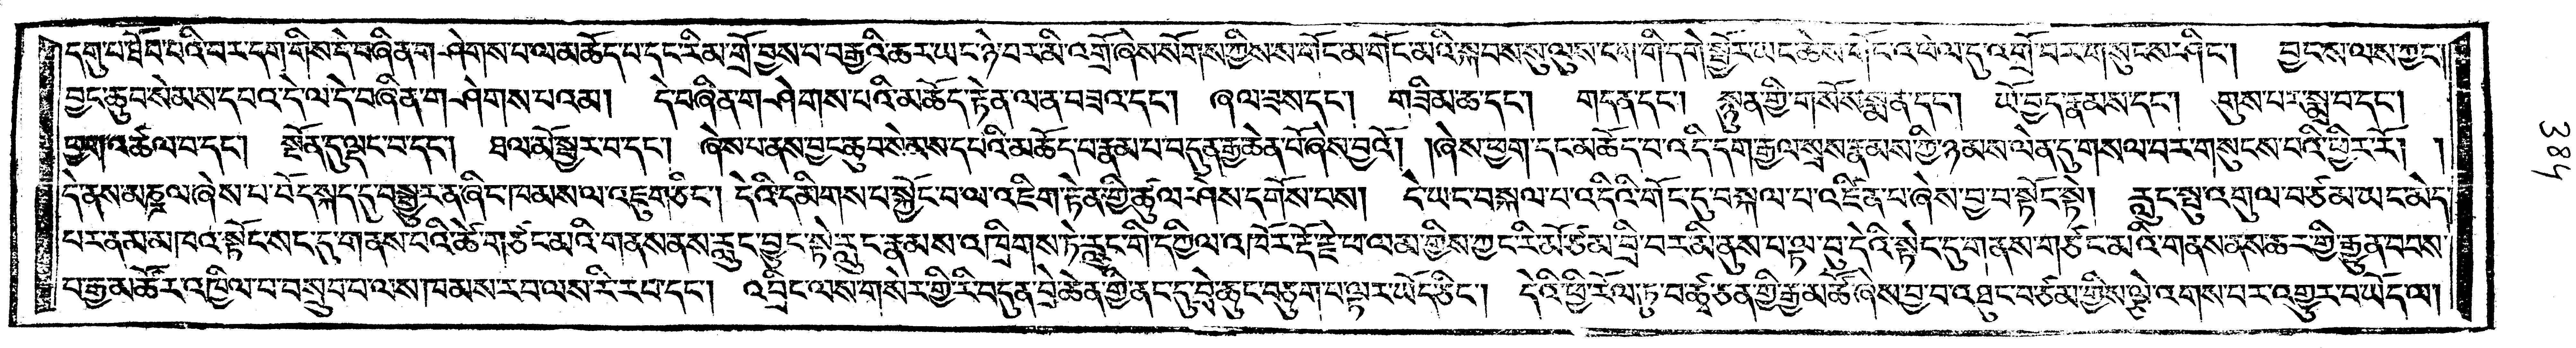དགུ་པ་ཐོབ་པའི་བར་དག་གིས་དེ་བཞིན་གཤེགས་པ་ལ་མཆོད་པ་དང་རིམ་གྲོ་བྱས་པ་བརྒྱའི་ཆར་ཡང་ཉེ་བར་མི་འགྲོ་ཞེས་སོགས་ཀྱིས་ས་གོང་མ་གོང་མའི་སྐབས་སུ་ལུས་ངག་གི་དགེ་སྦྱོར་ཡང་ཆེས་གོང་འཕེལ་དུ་འགྲོ་བར་གསུངས་ཤིང་། བྱངས་ལས་ཀྱང་
བྱང་ཆུབ་སེམས་དཔའ་དེ་ལ་དེ་བཞིན་གཤེགས་པའམ། དེ་བཞིན་གཤེགས་པའི་མཆོད་རྟེན་ལན་བཟའ་དང་། ཞལ་ཟས་དང་། གཟིམ་ཆ་དང་། གདན་དང་། སྙུན་གྱི་གསོས་སྨན་དང་། ཡོ་བྱད་རྣམས་དང་། གུས་པར་སྨྲ་བ་དང་།
ཕྱག་འཚལ་བ་དང་། སྔོན་དུ་ལྡང་བ་དང་། ཐལ་མོ་སྦྱར་བ་དང་། ཞེས་པ་ནས་བྱང་ཆུབ་སེམས་དཔའི་མཆོད་པ་རྣམ་པ་བདུན་རྒྱ་ཆེན་པོ་ཞེས་བྱའོ། །ཞེས་ཕྱག་དང་མཆོད་བ་འདི་དག་རྒྱལ་སྲས་རྣམས་ཀྱི་ཉམས་ལེན་དུ་གསལ་བར་གསུངས་པའི་ཕྱིར་རོ། །
དེ་ནས་མཎྜལ་ཞེས་པ་བོད་སྐད་དུ་བསྒྱུར་ན་ཞིང་ཁམས་ལ་འཇུག་ཅིང་། དེའི་དམིགས་པ་སྐྱོང་བ་ལ་འཇིག་རྟེན་གྱི་ཚུལ་ཤེས་དགོས་པས། དེ་ཡང་བསྐལ་པ་འདིའི་གོང་དུ་བསྐལ་པ་འཛིན་པ་ཞེས་བྱ་བ་སྟོང་སྟེ། རླུང་སྤུ་འགུལ་བ་ཙམ་ཡང་མེད་
པར་ནམ་མཁའ་སྟོང་སང་དུ་གནས་པའི་ཚེ་གཙང་མའི་གནས་ནས་རླུང་བྱུང་སྟེ་རླུང་རྣམས་འཁྲིགས་ཏེ་རླུང་གི་དཀྱིལ་འཁོར་རྡོ་རྗེ་ཕ་ལམ་གྱིས་ཀྱང་རི་མོ་ཙམ་བྲི་བར་མི་ནུས་པ་ལྟ་བུ་དེའི་སྟེང་དུ་གནས་གཙང་མའི་གནས་ནས་ཆར་གྱི་རྒྱུན་བབས་
པ་རྒྱ་མཚོར་འཁྱིལ་བ་བསྲུབ་པ་ལས་ཁམས་རབ་ལས་རི་རབ་དང་། འབྲིང་ལས་གསེར་གྱི་རི་བདུན་བྲེ་ཆེན་གྱི་ནང་དུ་བྲེ་ཆུང་བཅུག་པ་ལྟར་ཡོད་ཅིང་། དེའི་ཕྱི་རོལ་ཏུ་བ་ཚྭ་ཅན་གྱི་རྒྱ་མཚོ་ཞེས་བྱ་བ་འཐུང་བ་ཙམ་གྱིས་ལྕེ་འགས་པར་འགྱུར་བ་ཡོད་ལ།